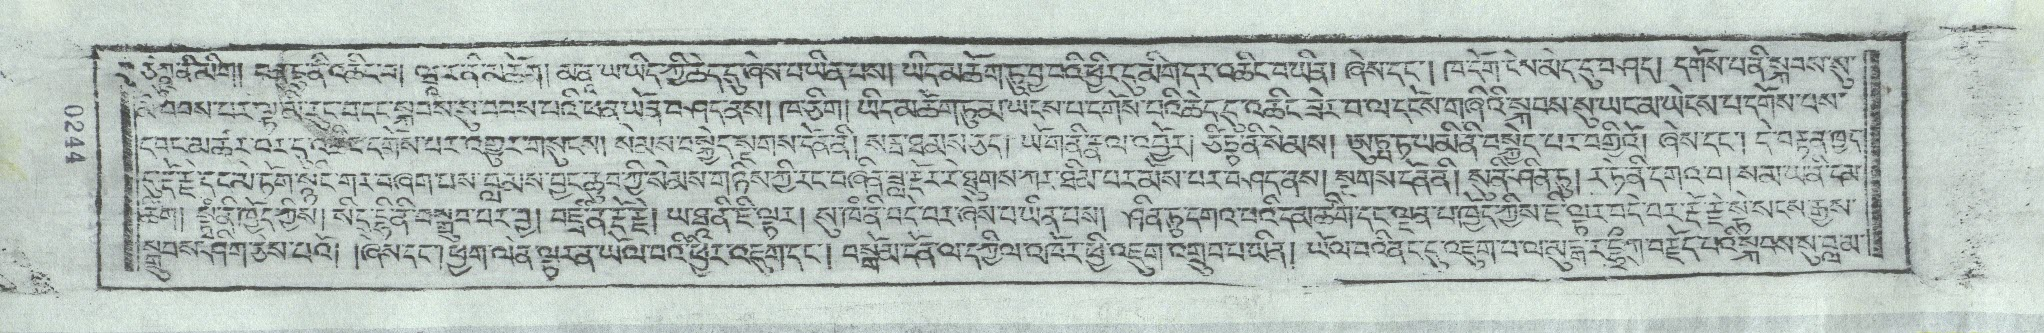ཙཀྵུ་ནི་མིག། བན་དྷ་ནི་འཆིང་བ། ཝཱ་ར་ནི་མཆོག། མ་ནཱ་ཡ་ཡིད་ཀྱི་ཆེད་དུ་ཞེས་པ་ཡིན་པས། ཡིད་མཆོག་ཏུ་བྱ་བའི་ཕྱིར་དུ་མིག་དར་འཆིང་བ་ཡིན། ཞེས་དང་། ཁ་དོག་ངེས་མེད་དུ་བཤད། དགོས་པ་ནི་སྐབས་སུ་
མ་བབས་པར་ལྟ་མི་རུང་བ་དང་སྐབས་སུ་བབས་པའི་ཕན་ཡོན་བཤད་ནས། ཁ་ཅིག། ཡིད་མཆོག་ཏུ་མ་ཡེངས་པ་དགོས་པའི་ཆེད་དུ་འཆིང་ཟེར་བ་ལ་དངོས་གཞིའི་སྐབས་སུ་ཡང་མ་ཡེངས་པ་དགོས་པས་
དབང་མ་ཚར་བར་དུ་འཆིང་དགོས་པར་འགྱུར་གསུངས། སེམས་བསྐྱེད་སྔགས་དོན་ནི། སརྦ་ཐམས་ཅད། ཡོ་ག་ནི་རྣལ་འབྱོར། ཙིཏྟ་ནི་སེམས། ཨུཏྤ་ཏ་ཡ་མི་ནི་བསྐྱེད་པར་བགྱིའོ། ཞེས་དང་། དེ་བརྟན་ཁྱད་
དུ་རྡོ་རྗེ་དང་མེ་ཏོག་སྙིང་གར་བཞག་པས་བླ་མས་བྱང་ཆུབ་ཀྱི་སེམས་གཉིས་ཀྱི་རང་བཞིན་ཟླ་རྡོར་རེ་ཐུགས་ཀར་ཐིམ་པར་མོས་པར་བཤད་ནས། སྔགས་དོན་ནི། སུ་ནི་ཤིན་ཏུ། ར་ཏེ་ནི་དགའ་བ། ས་མ་ཡ་ནི་དམ་
ཚིག། སྟྭཾ་ནི་ཁྱོད་ཀྱིས། སིད་དྷི་ནི་བསྒྲུབ་པར་བྱ། བཛྲ་ནི་རྡོ་རྗེ། ཡ་ཐཱ་ནི་ཇི་ལྟར། སུ་ཁཾ་ནི་བདེ་བར་ཞེས་པ་ཡིན་པས། ཤིན་ཏུ་དགའ་པའི་དམ་ཚིག་དང་ལྡན་པ་ཁྱོད་ཀྱིས་ཇི་ལྟར་བདེ་བར་རྡོ་རྗེ་སྟེ་སངས་རྒྱས་
སྒྲུབས་ཤིག་ཅེས་པའོ། །ཞེས་དང་། ཕྱག་ལེན་ལྟར་ན་ཡོལ་བའི་ཕྱིར་འཇུག་དང་། བསྒོམ་དོན་ལ་དཀྱིལ་འཁོར་ཕྱི་འཇུག་འགྲུབ་པ་ཡིན། ཡོལ་བའི་ནང་དུ་འཇུག་པ་ལ་མུདག་ར་དྷྲྀཀ་བརྗོད་པའི་སྐབས་སུ་བླ་མ་